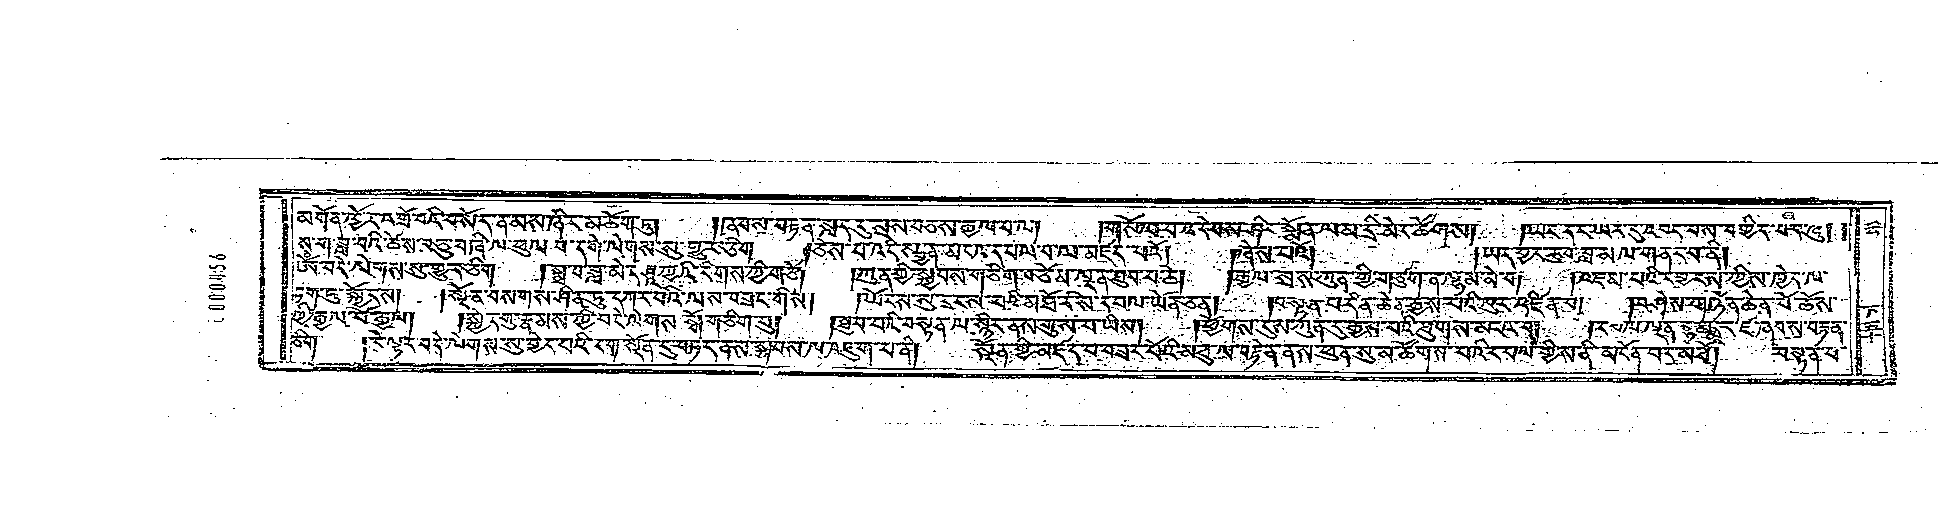མགོན་ཁྱོད་འགྲོ་བའི་བསོད་ནམས་ཞིང་མཆོག་ཏུ། །ཞབས་བརྟེན་སླད་དུ་སྲས་བཅས་རྒྱལ་བ་ལ། གསོལ་བ་འདེབས་ཤིང་སྨོན་ལམ་དྲི་མེད་ཚོགས། །ཡང་དང་ཡང་དུ་འབད་པས་བགྱིད་པར་ཞུ། །
མག་ཟླ་བའི་ཚེས་བཅུ་བཞི་ལ་ཕུལ་བ་དགེ་ལེགས་སུ་གྱུར་ཅིག་ཅེས་པ་འདི་སྤྱན་མདའ་དཔལ་བལ་མཛད་པའོ། །ཞེས་པའོ། །ཡང་བྱང་ཆུབ་བླ་མ་ལ་གནང་བ་ནི།
ཨོཾ་བདེ་ལེགས་སུ་གྱུར་ཅིག །སྨྲ་བ་ཟླ་མེད་ཤཱཀྱའི་རིགས་ཀྱི་གཙོ། །ཀུན་གྱི་སྐྱབས་གཅིག་བཅོམ་ལྡན་ཐུབ་པ་ཆེ། །རྒྱལ་སྲས་ཀུན་གྱི་གཙུག་ན་ལྷམ་མེ་བ། །འཇམ་པའི་དབྱངས་ཀྱིས་ཁྱེད་ལ་
ཏག་ཏུ་སྐྱོངས། །སྔོན་བསགས་ཤིན་ཏུ་དཀར་བའི་ལས་བཟང་གིས། །ཡོངས་སུ་དྲངས་པའི་མཐོ་རིས་དཔལ་ཡོན་ཅན། །བསྟན་པ་རིན་ཆེན་རྒྱས་པའི་ཁུར་འཛིན་པ། །བཤེས་གཉོན་ཆེན་པོ་ཆོས་
ཀྱི་རྒྱལ་བོ་རྒྱལ། །སྐྱེ་དགུ་རྣམས་ཀྱི་བདེ་ལེགས་སྒོ་གཅིག་པུ། །ཐུབ་པའི་བསྟན་ལ་སྙིང་ནས་གུས་པ་ཡིས། །ཕྱོགས་དུས་ཀུན་དུ་རྒྱས་པའི་ཐུགས་མངའ་བ། །དབལ་ལྡན་དྷརྨ་ར་ཛ་ཞབས་བརྟན་
ཅིག །དེ་ལྟར་བདེ་ལེགས་སུ་བྱེད་པའི་དག་སྔོན་དུ་བཏང་ནས་སྐབས་ལ་འཇུག་པ་ནི། སྔོན་གྱི་མཛད་བ་བཟང་པོའི་མཐའ་ལ་བརྟེན་ནས་ཕུན་སུམ་ཚོགས་པའི་དཔལ་གྱིས་ནི་མངོན་བར་མཐོ། བསྟན་པ་